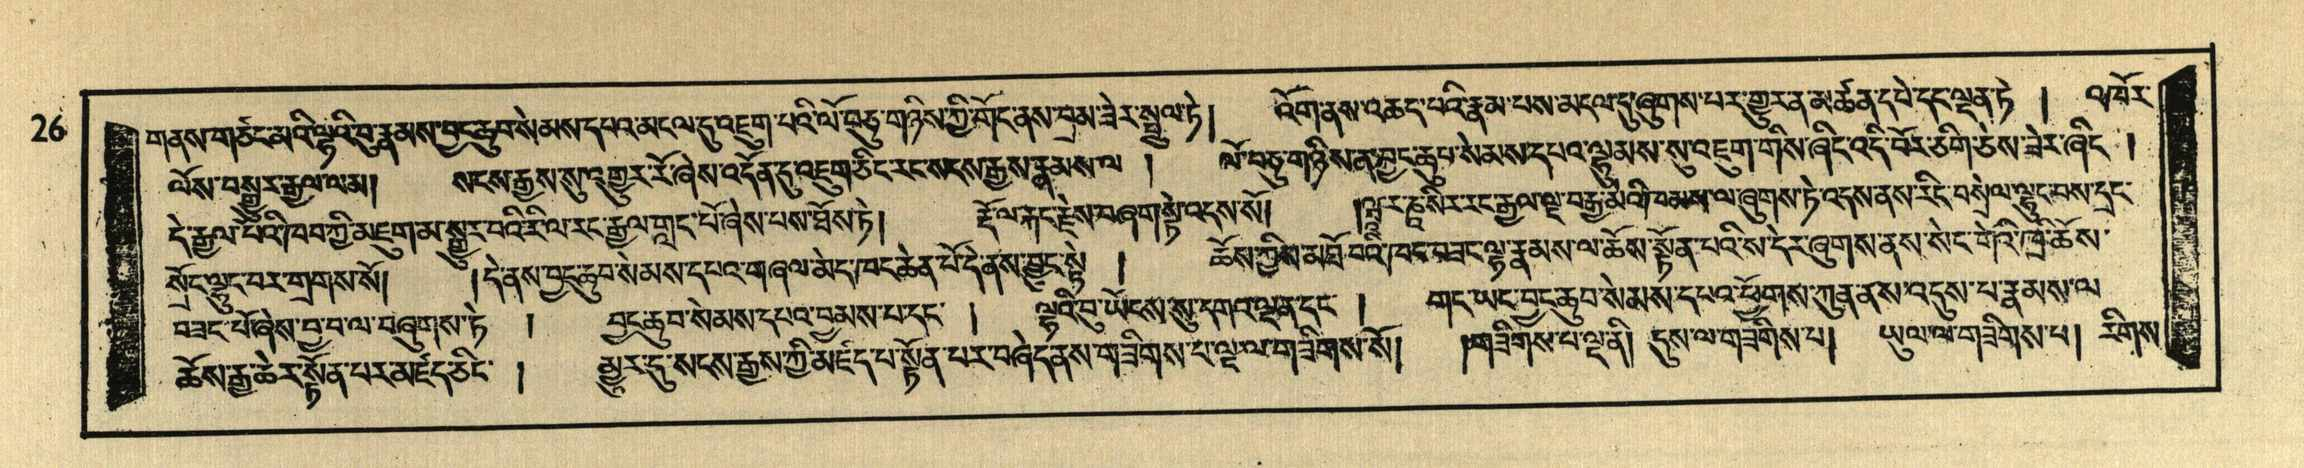གནས་གཙང་མའི་ལྷའི་བུ་རྣམས་བྱང་ཆུབ་སེམས་དཔའ་མངལ་དུ་འཇུག་པའི་ལོ་བཅུ་གཉིས་ཀྱི་གོང་ནས་བྲམ་ཟེར་སྤྲུལ་ཏེ། འོག་ནས་འཆད་པའི་རྣམ་པས་མངལ་དུ་ཞུགས་པར་གྱུར་ན་མཚན་དཔེ་དང་ལྡན་ཏེ་། འཁོར་
ལོས་བསྒྱུར་རྒྱལ་ལམ། སངས་རྒྱས་སུ་འགྱུར་རོ་ཞེས་འདོན་དུ་འཇུག་ཅིང་རང་སངས་རྒྱས་རྣམས་ལ་། ལོ་བཅུ་གཉིས་ན་བྱང་ཆུབ་སེམས་དཔའ་ལྷུམས་སུ་འཇུག་གིས་ཞིང་འདི་བོར་ཅིག་ཅེས་ཟེར་ཞིང་།
དེ་རྒྱལ་པོའི་ཁབ་ཀྱི་མཇུག་མ་སྒྱུར་བའི་རིལ་རང་རྒྱལ་གླང་པོ་ཞེས་པས་ཐོས་ཏེ། རྡོ་ལ་རྐང་རྗེས་བཞག་སྟེ་འདས་སོ། །ཝཱ་ར་ཎཱ་སིར་རང་རྒྱལ་ལྔ་བརྒྱ་མའི་ཁམས་ལ་ཞུགས་ཏེ་འདས་ནས་རིང་བསྲེལ་ལྷུང་བས་དྲང་
སྲོང་ལྷུང་བར་གྲགས་སོ། །དེ་ནས་བྱང་ཆུབ་སེམས་དཔའ་གཞལ་མེད་ཁང་ཆེན་པོ་དེ་ནས་བྱུང་སྟེ་། ཆོས་ཀྱིས་མཐོ་བའི་ཁང་བཟང་ལྷ་རྣམས་ལ་ཆོས་སྟོན་པའི་ས་དེར་ཞུགས་ནས་སེང་གེའི་ཁྲི་ཆོས་
བཟང་པོ་ཞེས་བྱ་བ་ལ་བཞུགས་ཏེ་། བྱང་ཆུབ་སེམས་དཔའ་བྱམས་པ་དང་། ལྷའི་བུ་ཡོངས་སུ་དགའ་ལྡན་དང་། གང་ཡང་བྱང་ཆུབ་སེམས་དཔའ་ཕྱོགས་ཀུན་ནས་འདུས་པ་རྣམས་ལ་
ཆོས་རྒྱ་ཆེར་སྟོན་པར་མཛད་ཅིང་། མྱུར་དུ་སངས་རྒྱས་ཀྱི་མཛད་པ་སྟོན་པར་བཞེད་ནས་གཟིགས་པ་ལྔ་ལ་གཟིགས་སོ། །གཟིགས་པ་ལྔ་ནི། དུས་ལ་གཟིགས་པ། ཡུལ་ལ་གཟིགས་པ། རིགས་